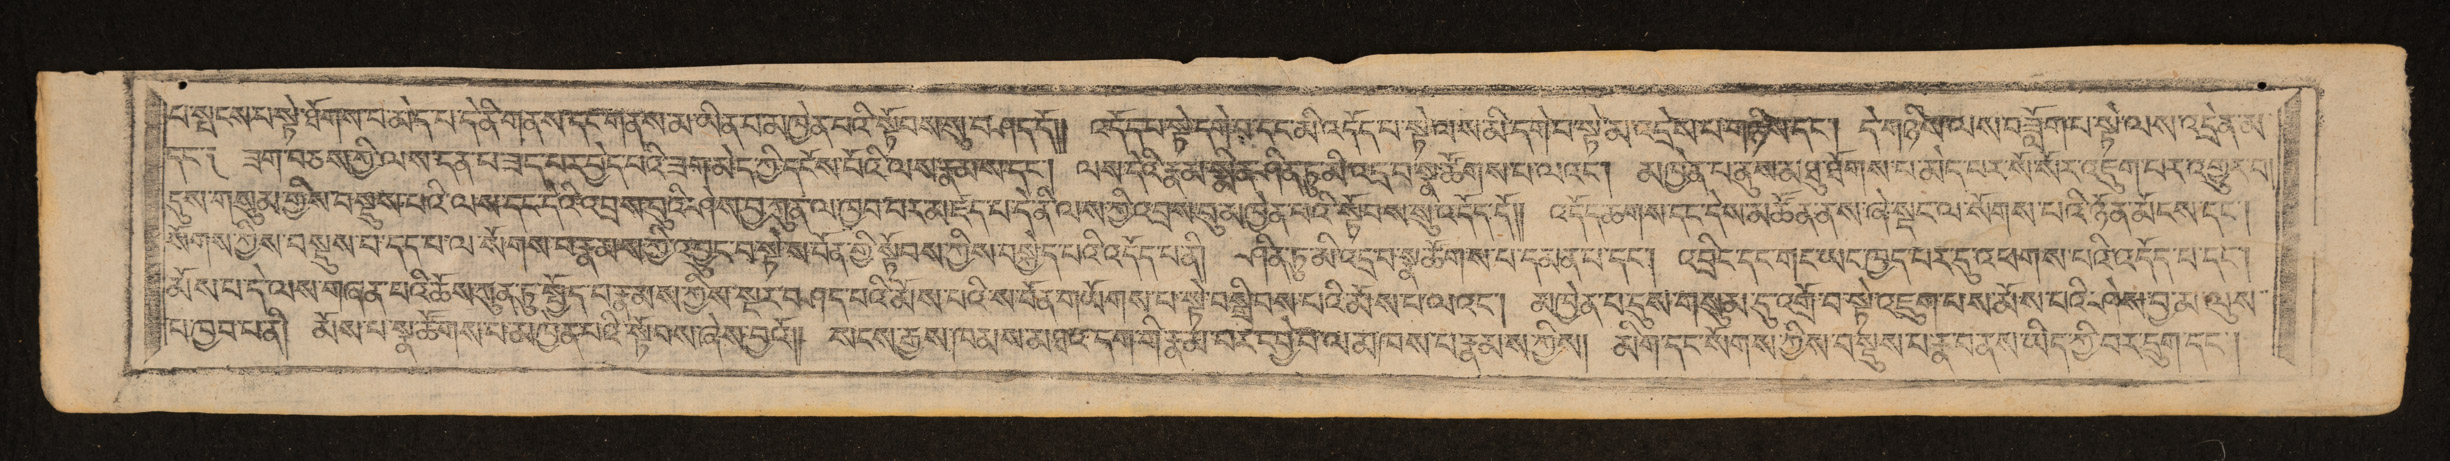པ་སྤངས་པ་སྟེ་ཐོགས་པ་མེད་པ་དེ་ནི་གནས་དང་གནས་མ་ཡིན་པ་མཁྱེན་པའི་སྟོབས་སུ་བཤད་དོ།། འདོད་པ་སྟེ་དགེ་བ་དང་མི་འདོད་པ་སྟེ་ལས་མི་དགེ་བ་སྟེ་མ་འདྲེས་པ་གཉིས་དང་། དེ་གཉིས་ལས་བཟློག་པ་སྟེ་ལས་འདྲེས་མ་
དང༑ ཟག་བཅས་ཀྱི་ལས་ངན་པ་ཟད་པར་བྱེད་པའི་ཟག་མེད་ཀྱི་དངོས་པོའི་ལས་རྣམས་དང་། ལས་དེའི་རྣམ་སྨིན་ཤིན་ཏུ་མི་འདྲ་བ་སྣ་ཚོགས་པ་ལའང་། མཁྱེན་པ་ནུས་མཐུ་ཐོགས་པ་མེད་པར་སོ་སོར་འཇུག་པར་འགྱུར་བ།
དུས་གསུམ་གྱིས་བསྡུས་པའི་ལས་དང་དེའི་འབྲས་བུའི་ཤེས་བྱ་ཀུན་ལ་ཁྱབ་པར་མཛད་པ་དེ་ནི་ལས་ཀྱི་འབྲས་བུ་མཁྱེན་པའི་སྟོབས་སུ་འདོད་དོ།། འདོད་ཆགས་དང་དེས་མཚོན་ནས་ཞེ་སྡང་ལ་སོགས་པའི་ཉོན་མོངས་དང་།
སོགས་ཀྱིས་བསྡུས་པ་དད་པ་ལ་སོགས་པ་རྣམས་ཀྱི་འབྱུང་བ་སྟེ་ས་བོན་གྱི་སྟོབས་ཀྱིས་བསྐྱེད་པའི་འདོད་པ་ནི། ཤིན་ཏུ་མི་འདྲ་བ་སྣ་ཚོགས་པ་དམན་བ་དང་། འབྲིང་དང་གང་ཡང་ཁྱད་པར་དུ་འཕགས་པའི་འདོད་པ་དང་།
མོས་པ་དེ་ལས་གཞན་པའི་ཆོས་ཀུན་ཏུ་སྤྱོད་པ་རྣམས་ཀྱིས་སྔར་བཤད་པའི་མོས་པའི་ས་བོན་གཡོགས་པ་སྟེ་བསྒྲིབས་པའི་མོས་པ་ལའང་། མཁྱེན་པ་དུས་གསུམ་དུ་འགྲོ་བ་སྟེ་འཇུག་པས་མོས་པའི་ཤེས་བྱ་མ་ལུས་
པ་ཁྱབ་པ་ནི། མོས་པ་སྣ་ཚོགས་པ་མཁྱེན་པའི་སྟོབས་ཞེས་བྱའོ།། སངས་རྒྱས་ཁམས་མཐའ་དག་གི་རྣམ་པར་དབྱེ་བ་ལ་མཁས་པ་རྣམས་ཀྱིས། མིག་དང་སོགས་ཀྱིས་བསྡུས་པ་རྣ་བ་ནས་ཡིད་ཀྱི་བར་དྲུག་དང་།